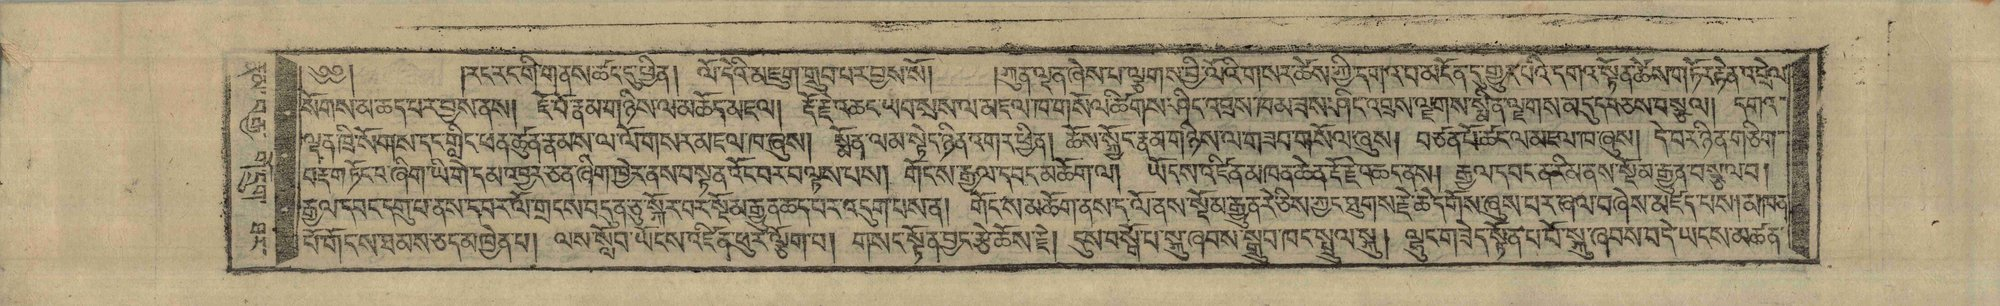༄༅། །རང་རང་གི་གནས་ཚང་དུ་ཕྱིན། ལོ་དེའི་མཇུག་གྲུབ་པར་བྱས་སོ། །ཀུན་ལྡན་ཞེས་པ་ལྕགས་བྱི་ལོའི་གསར་ཚེས་ཀྱི་དགའ་བ་མངོན་དུ་གྱུར་པའི་དགའ་སྟོན་ཚེས་གཏོར་རྟེན་འབྲེལ་
སོགས་མ་ཆད་པར་བྱས་ནས། ཇོ་བོ་རྣམ་གཉིས་ལ་མཆོད་མཇལ། རྡོ་རྗེ་འཆང་ཡབ་སྲས་ལ་མཇལ་ཁ་གསོལ་ཚིགས་ཤིང་འབྲས་ཁམ་ཟས་ཤིང་འབྲས་ལྗགས་སྨིན་ལྗགས་མདུད་བཅས་བསྩལ། དགའ་
ལྡན་ཁྲི་སོགས་དང་གླིང་ཕན་ཚུན་རྣམས་ལ་ལོ་གསར་མཇལ་ཁ་ཞུས། སྨོན་ལམ་སྟེང་ཉིན་འགར་ཕྱིན། ཆོས་སྐྱོང་རྣམ་གཉིས་ལ་གཟབ་གསོལ་ཞུས། བཙན་པོ་ཚང་ལ་མཇལ་ཁ་ཞུས། དེ་བར་ཉིན་གཅིག་
བརྡ་གཏོང་བ་ཞིག་ཡི་གེ་དམ་འབྱར་ཅན་ཞིག་ཁྱེར་ནས་བསྟན་འོང་བར་བལྟས་པས། གོང་ས་རྒྱལ་དབང་མཆོག་ལ། ཡོངས་འཛིན་མཁན་ཆེན་རྡོ་རྗེ་འཆང་ནས། རྒྱལ་དབང་ན་རིམ་ནས་སྡོམ་རྒྱུན་བསྩལ་བ།
རྒྱལ་དབང་དགུ་པ་ནས་དབར་ལོ་གྲངས་བདུན་ཅུ་སྐོར་བར་སྡོམ་རྒྱུན་ཆད་པར་འདུག་པས་ན། གོང་ས་མཆོག་ནས་ད་ལོ་ནས་སྡོམ་རྒྱུན་རེ་ཅིས་ཀྱང་ཐུགས་རྗེ་ཆེ་དགོས་ཞུས་པར་ཞལ་བཞེས་མཛད་པས། མཁན་
པོ་གོང་ས་ཐམས་ཅད་མཁྱེན་པ། ལས་སློབ་ཡོངས་འཛིན་ཕུར་ལྕོག་པ། གསང་སྟོན་བྱང་རྩེ་ཆོས་རྗེ། དུས་བསྒོ་པ་སྐུ་ཞབས་སྒྲུབ་ཁང་སྤྲུལ་སྐུ། ལྷུང་གཟེད་སྟོན་པ་པོ་སྐུ་ཞབས་བདེ་ཡངས་མཚན་